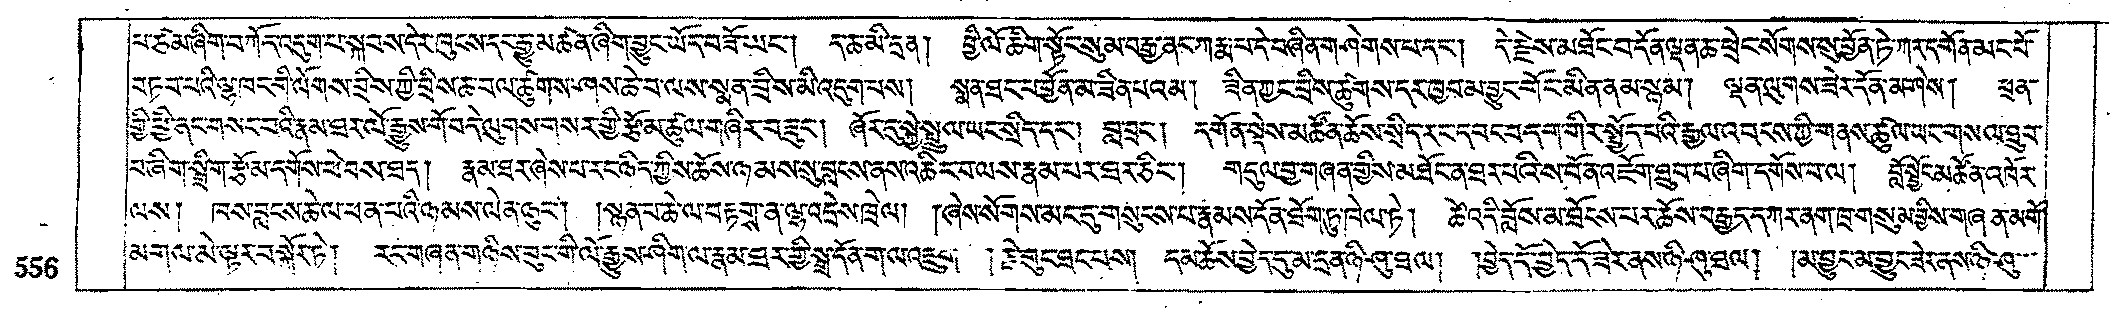པ་ཙམ་ཞིག་བཀོད་འདུག་པ་སྐབས་དེར་ཁུངས་དང་རྒྱུ་མཚན་ཞིག་བྱུང་ཡོད་བཟོ་ཡང་། ད་ཆ་མི་དྲན། ཕྱི་ལོ་ཆིག་སྟོང་སུམ་བརྒྱ་ནང་ཀརྨ་པ་དེ་བཞིན་གཤེགས་པ་དང་། དེ་རྗེས་མཐོང་བ་དོན་ལྡན་ཆ་ཕྲེང་སོགས་སུ་བྱོན་ཏེ་ཀར་དགོན་མང་པོ་
བཏབ་པའི་ལྷ་ཁང་གི་ལོགས་བྲིས་ཀྱི་བྲིས་ཆ་བལ་ཚུགས་ཤས་ཆེ་བ་ལས་སྨན་བྲིས་མི་འདུག་པས། སྨན་ཐང་པ་བྱོན་མ་ཟིན་པའམ། ཟིན་ཀྱང་བྲིས་ཚུགས་དར་ཁྱབ་མ་བྱུང་གོང་མིན་ནམ་སྙམ། ལྡན་ལུགས་ཟེར་དོན་མ་ཤེས། ཕྲན་་་
གྱི་ཕྱི་ནང་གསང་བའི་རྣམ་ཐར་ལོ་རྒྱུས་གོ་བདེ་ལུགས་གསར་གྱི་རྩོམ་ཚུལ་གཞིར་བཟུང་། ཞོར་དུ་སྐྱེ་སྤྲུལ་ཡང་སྲིད་དང་། བླ་བྲང་། དགོན་སྡེས་མཚོན་ཆོས་སྲིད་རང་དབང་བདག་གིར་སྤྱོད་པའི་རྒྱལ་འབངས་ཀྱི་གནས་ཚུལ་ཡང་གསལ་ཐུབ་
པ་ཞིག་སྒྲིག་རྩོམ་དགོས་ཕེབས་ཐད། རྣམ་ཐར་ཞེས་པ་རང་ཉིད་ཀྱིས་ཆོས་ཉམས་སུ་བླངས་ནས་འཆིང་བ་ལས་རྣམ་པར་ཐར་ཅིང་། གདུལ་བྱ་གཞན་གྱིས་མཐོང་ན་ཐར་པའི་ས་བོན་འཇོག་ཐུབ་པ་ཞིག་དགོས་པ་ལ། བློ་སྦྱོང་མཚོན་འཁོར་
ལས། ཁས་བླངས་ཆེ་ལ་ཕན་པའི་ཉམས་ལེན་ཉུང་། །སྙན་པ་ཆེ་ལ་བརྟགས་ན་ལྷ་འདྲེས་ཁྲེལ། །ཞེས་སོགས་མང་དུ་གསུངས་པ་རྣམས་དོན་ཐོག་ཏུ་ཁེལ་ཏེ། ཚེ་འདི་བློས་མ་ཐོངས་པར་ཆོས་བརྒྱད་དཀར་ནག་ཁྲ་གསུམ་གྱིས་གཞན་མགོ་
མགལ་མེ་ལྟར་བསྐོར་ཏེ། རང་གཞན་གཉིས་ཕུང་གི་ལོ་རྒྱུས་ཤིག་ལ་རྣམ་ཐར་གྱི་སྒྲ་དོན་ག་ལ་འཇུག །རྗེ་གུང་ཐང་པས། དམ་ཆོས་བྱེད་དུ་མ་དྲན་ཉི་ཤུ་ཐལ། །བྱེད་དོ་བྱེད་དོ་ཟེར་ནས་ཉི་ཤུ་ཐལ། མ་བྱུང་མ་བྱུང་ཟེར་ནས་ཉི་ཤུ་་་